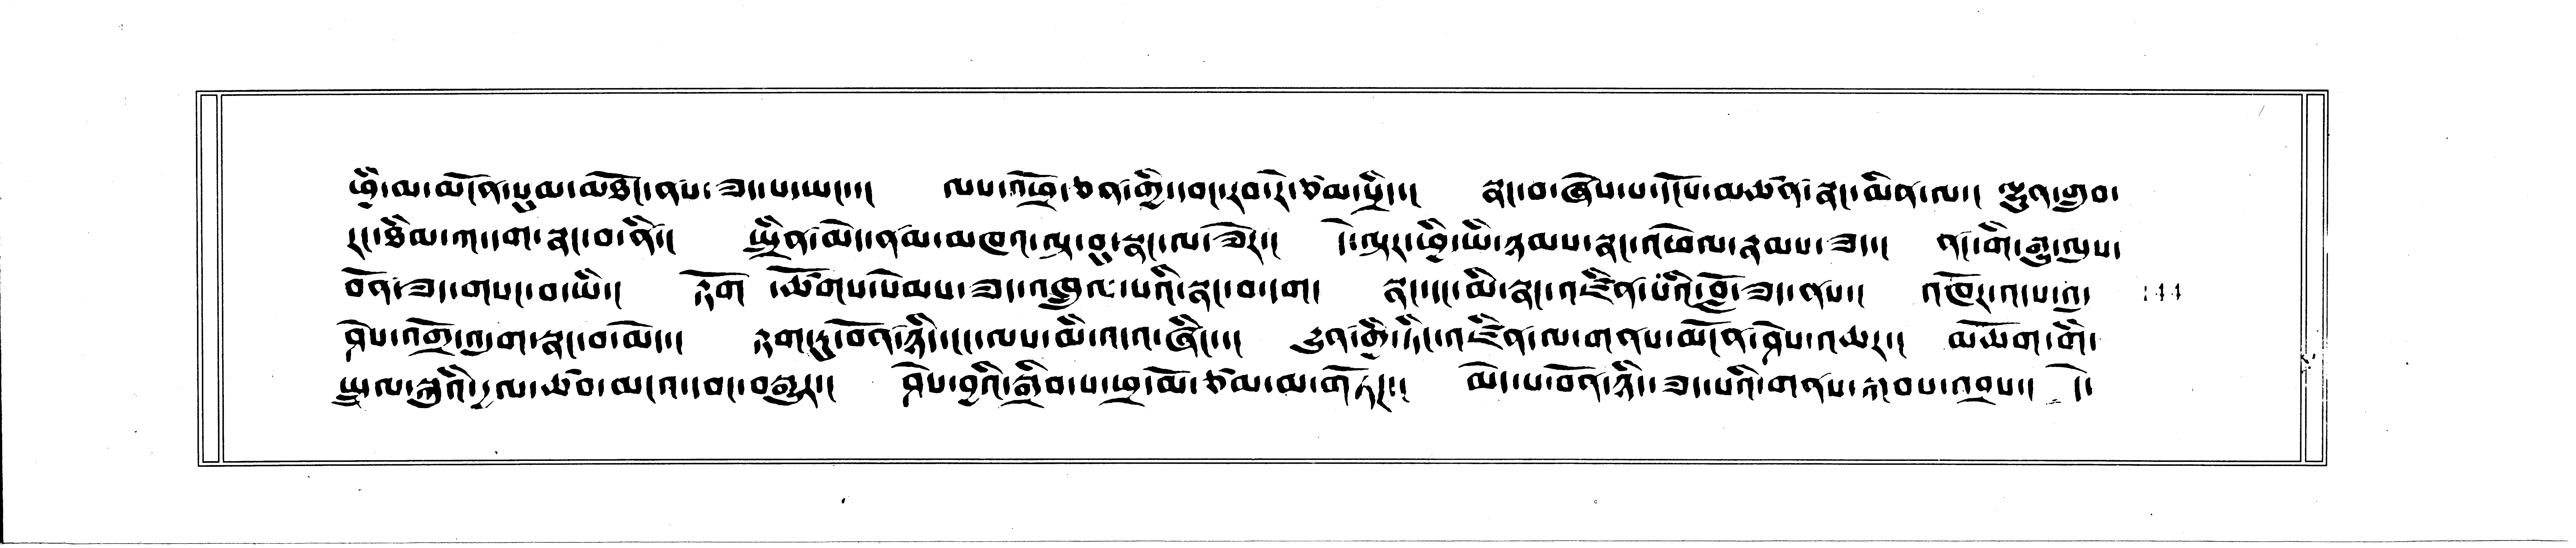ཕྱི་མ་མངོན་སུམ་མཐོང་ནས་ཟད་པ་ཡང་། །ལས་འཕྲོ་ཅན་གྱི་དབང་རབ་རེ་ཙམ་སྲིད། །སྣང་བ་ཞེས་པ་དངོས་མཚན་སྣང་མིན་ལ། །ལྷུན་གྲུབ་
རང་ཐིམ་ཀ་དག་སྣང་བ་ནི། །སྤྲིན་མེད་ནམ་མཁའ་ལྟ་བུ་སྣང་ལ་ཟེར། །དེ་ལྟར་ཕྱི་ཡི་ཉམས་སྣང་འཕེལ་རྣམས་ཟད། །ནང་གི་སྒྱུ་ལུས་
བོན་ཟད་གསང་བ་ཡི། །རྟོག་ཚོགས་སེམས་ཟད་འཁྲུལ་པའི་སྣང་བ་དག །སྣང་དང་མི་སྣང་འཛིན་པའི་བློ་ཟད་ནས། །འཁོར་འདས་འདུ་
ཤེས་འགྲོ་འདུག་སྣང་བ་མེད། །རྟག་ཏུ་བོན་ཉིད་ངང་ལས་མི་འདའ་ཞིང་། །རྒྱུན་གྱི་ཏིང་འཛིན་ལ་གནས་མངོན་ཤེས་འཆར། །མཆོག་གི་
སྤྲུལ་སྐུའི་རྒྱལ་ཚབ་མངའ་དབང་བསྒྱུར། །ཤེས་བྱའི་སྒྲིབ་པ་ཕྲ་མོ་ཙམ་མ་གཏོགས། །མེད་པ་བོན་ཉིད་ཟད་པའི་གནས་སྐབས་འབྲས། །དེ་